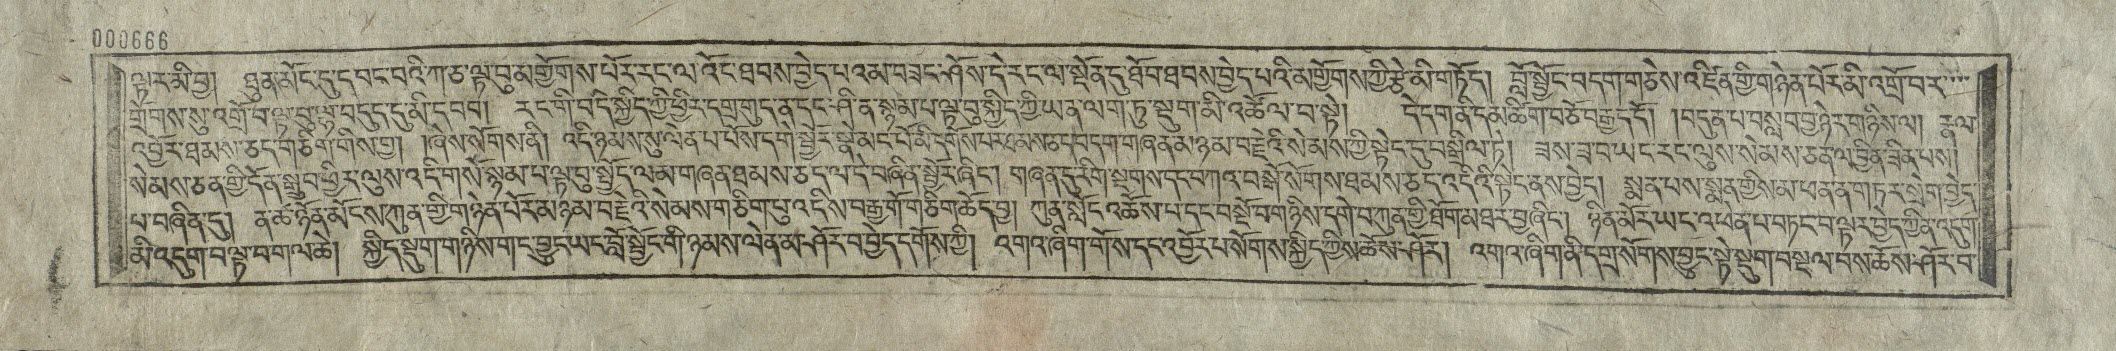ལྟར་མི་བྱ། ཐུན་མོང་དུ་དབང་བའི་ཀ་ཅ་ལྟ་བུ་མགྱོགས་པོར་རང་ལ་འོང་ཐབས་བྱེད་པའམ་བཟང་ཤོས་དེ་རང་ལ་སྔོན་དུ་ཐོབ་ཐབས་བྱེད་པའི་མགྱོགས་ཀྱི་རྩེ་མི་གཏོད། བློ་སྦྱོང་བདག་གཅེས་འཛིན་གྱི་གཉེན་པོར་མི་འགྲོ་བར་
གྲོགས་སུ་འགྲོ་བ་ལྟ་བུ་ལྷ་བདུད་དུ་མི་དབབ། རང་གི་བདེ་སྐྱིད་ཀྱི་ཕྱིར་དགྲ་གུད་ན་དང་ཤི་ན་སྙམ་པ་ལྟ་བུ་སྐྱིད་ཀྱི་ཡན་ལག་ཏུ་སྡུག་མི་འཚོལ་བ་སྟེ། དེ་དག་ནི་དམ་ཚིག་བཅོ་བརྒྱད་དོ། །བདུན་པ་བསླབ་བྱ་ཉེར་གཉིས་ལ། རྣལ་
འབྱོར་ཐམས་ཅད་གཅིག་གིས་བྱ། །ཞེས་སོགས་ནི། འདི་ཉམས་སུ་ལེན་པ་པོས་དགེ་སྦྱོར་སྣེ་མང་པོ་མི་དགོས་པར་ཐམས་ཅད་བདག་གཞན་མཉམ་བརྗེའི་སེམས་ཀྱི་སྟེང་དུ་བསྒྲིལ་ཏེ། ཟས་ཟ་བ་ཡང་རང་ལུས་སེམས་ཅན་ལ་བྱིན་ཟིན་པས།
སེམས་ཅན་གྱི་དོན་སྒྲུབ་ཕྱིར་ལུས་འདི་གསོ་སྙམ་པ་ལྟ་བུ་སྤྱོད་ལམ་གཞན་ཐམས་ཅད་ལ་དེ་བཞིན་སྦྱོར་ཞིང་གཞན་དུ་རིག་སྔགས་དང་བཀའ་བསྒོ་སོགས་ཐམས་ཅད་འདིའི་སྟེང་ནས་བྱེད། སྨན་པས་སྨན་གྱིས་མ་ཕན་ན་གཏར་སྲེག་བྱེད་
པ་བཞིན་དུ། ན་ཚ་ཉོན་མོངས་ཀུན་གྱི་གཉེན་པོར་མཉམ་བརྗེའི་སེམས་གཅིག་པུ་འདིས་བརྒྱ་གོ་གཅིག་ཆོད་བྱ། ཀུན་སློང་འཆོས་པ་དང་བསྔོ་བ་གཉིས་དགེ་བ་ཀུན་གྱི་ཐོག་མཐར་བྱ་ཞིང་། ཉིན་མོར་ཡང་འཕེན་པ་བཏང་བ་ལྟར་བྱེད་ཀྱིན་འདུག་
མི་འདུག་བལྟ་བ་གལ་ཆེ། སྐྱིད་སྡུག་གཉིས་གང་བྱུང་ཡང་བློ་སྦྱོང་གི་ཉམས་ལེན་མ་ཤོར་བ་བྱེད་དགོས་ཀྱི། འགའ་ཞིག་གོ་ས་དང་འབྱོར་པ་སོགས་སྐྱིད་ཀྱིས་ཆོས་ཤོར། འགའ་ཞིག་ནི་དགྲ་སོགས་བྱུང་སྟེ་སྡུག་བསྔལ་བས་ཆོས་ཤོར་བ་